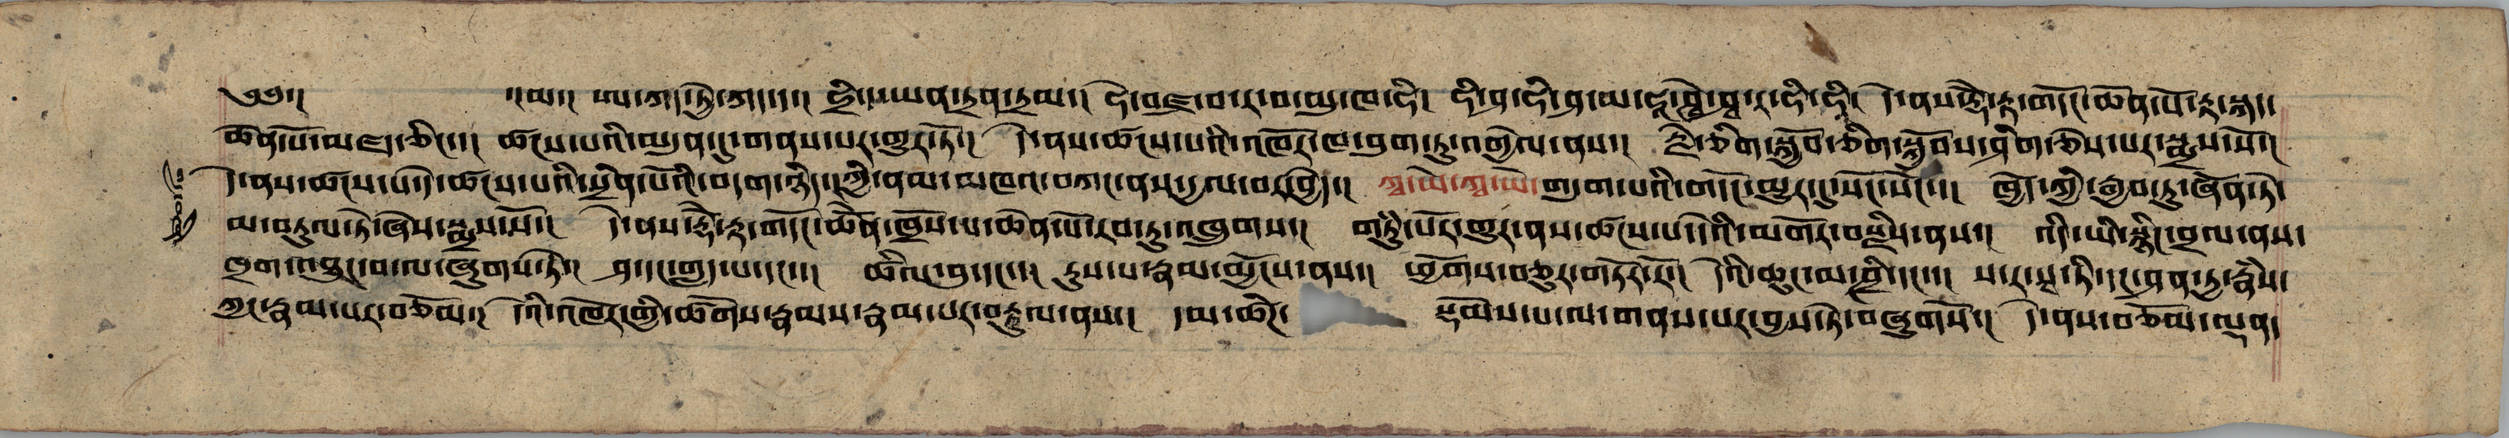༄༅་། ་།མ་། ཨ་ཀད་ཏྱེ་ཀད་ད་། ཧྲི་ད་ཡན་ཏྲན་ཏྲམ། ཧེ་བཛྲ་བ་ར་བ་མུ་ཁ་ཧི། ཧི་ཤ་ཧི་ཤ་མ་ཧཱ་ཤྭེ་ཤྭ་ར་ཧི་ཧཱི། དེ་ནས་རྡོེ་རྟ་གདོང་ཆེན་པོ་རྟ་སྐད་
ཆེན་པོ་མཛད་ཅིང་་། ཚངས་པའི་མདུན་དུ་གནས་པར་གྱུར་ཏོ་། དེ་ནས་ཚངས་པའི་འཁོར་ཁ་བུག་ཏུ་འགྱེལ་ནས་། རྗེ་ཅིག་སྐྱོབ་ཅིག་སྐྱོབས་ཤིག་ཅེས་པར་སྨྲས་སོ་།
དེ་ནས་ཚངས་པ་དེ་ཚངས་པའི་སྲིན་པོའི་བདག་ཉིད་ཀྱི་ནམ་མཁའ་བཀང་ནས་དྱལ་བར་བྱེད་། ཀྭ་ཡེ་ཀྭ་ཡེ་གདུག་པའི་གདོང་མྱུར་དུ་སོང་སོང་་། ཁྱེད་ཀྱི་རྒྱབ་ཏུ་ཞོན་ཏེ་
མ་བཏུལ་ཏེ་ཞེས་སྨྲས་སོ་། དེ་ནས་རྡོེ་རྟ་གདོང་ཆེནོ་ཁྲོས་པ་ཆེན་པོ་རབ་ཏུ་འཁྲུགས་། གཏུཾ་པོར་གྱུར་ནས་ཚངས་པ་དེའི་མགོར་བསྫིས་ནས་། འདི་ཡི་སྙིང་བྲལ་ནས་
ཁྲག་འཐུང་བ་ལ་ཞུགས་ཏེ་། ཤ་དང་གླད་པ་དང་་། ཚིལ་བུ་དང་་། རུས་པ་རྣམ་མྱོངས་ནས་། ཕྱོགས་བཅུར་གཏོར་རོ་། དེའི་ཆུང་མ་ཤྲི་དང་་། ས་ར་སྭ་་ཏི་དང་ཤན་ཏྱ་རྣཾས་
ཀྱང་རྣམ་པར་བཅོམ་། དེའི་འཁོར་གྱི་ཚོགས་རྣམས་རྣམ་པར་བརྟུལ་ནས་། དམ་ཚིཌ་ སྡོམས་པ་ལ་གནས་པར་བྱས་ཏེ་བཞུགསོ་། དེ་ནས་བཅོམ་ལྡན་